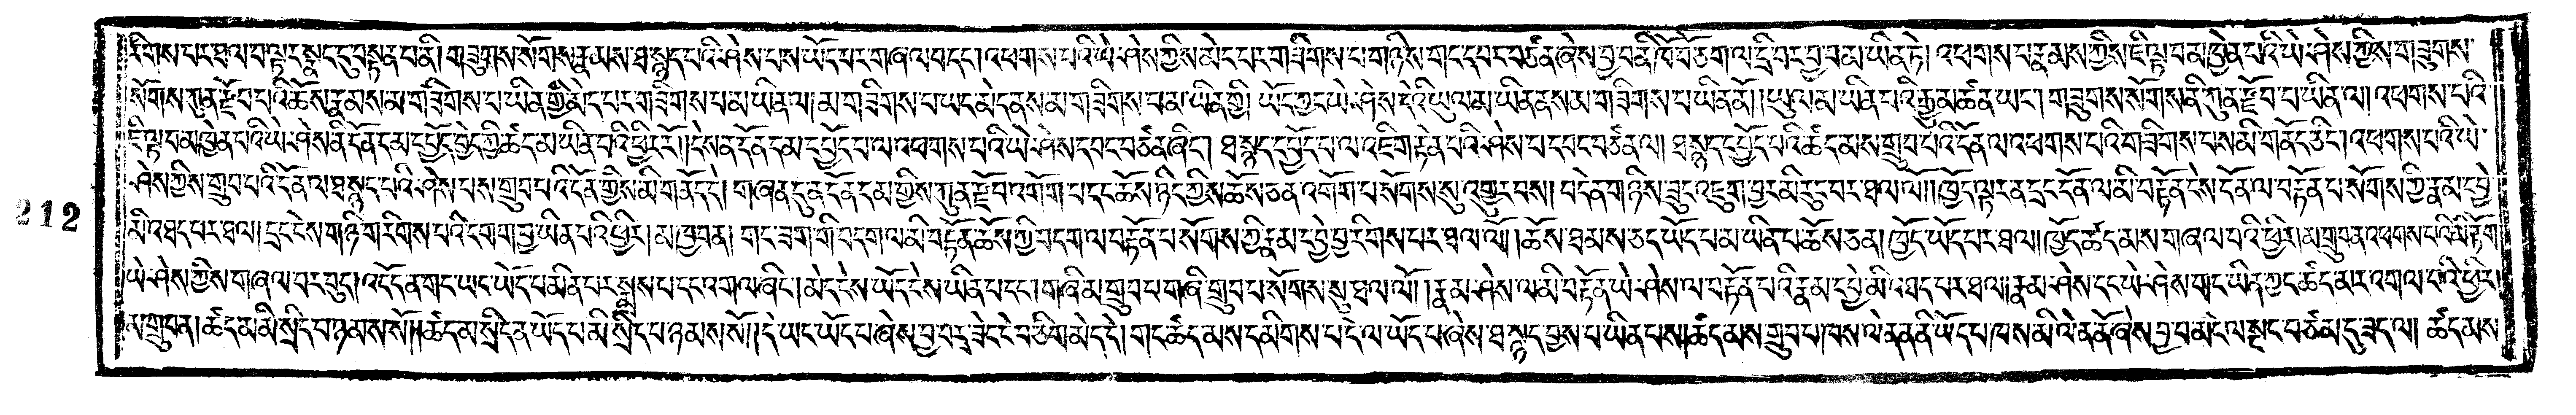རིགས་པར་ཐལ་བ་ལྟར་སྣང་དུ་བསྟན་པ་ནི། གཟུགས་སོགས་རྣམས་ཐ་སྙད་པའི་ཤེས་པས་ཡོད་པར་གཞལ་བ་དང་། འཕགས་པའི་ཡེ་ཤེས་ཀྱིས་མེད་པར་གཟིགས་པ་གཉིས་གང་དབང་བཙན་ཞེས་བྱ་བ་ནི་ཁོ་བོ་ཅག་ལ་དྲི་བར་བྱ་བ་མ་ཡིན་ཏེ། འཕགས་པ་རྣམས་ཀྱིས་ཇི་ལྟ་བ་མཁྱེན་པའི་ཡེ་ཤེས་ཀྱིས་གཟུགས་
སོགས་ཀུན་རྫོབ་པའི་ཆོས་རྣམས་མ་གཟིགས་པ་ཡིན་གྱི་མེད་པར་གཟིགས་པ་མ་ཡིན་ལ། མ་གཟིགས་པ་ཡང་མེད་ནས་མ་གཟིགས་པ་མ་ཡིན་གྱི། ཡོད་ཀྱང་ཡེ་ཤེས་དེའི་ཡུལ་མ་ཡིན་ནས་མ་གཟིགས་པ་ཡིན་ནོ། །ཡུལ་མ་ཡིན་པའི་རྒྱུ་མཚན་ཡང་། གཟུགས་སོགས་ནི་ཀུན་རྫོབ་བ་ཡིན་ལ། འཕགས་པའི་
ཇི་ལྟ་བ་མཁྱེན་པའི་ཡེ་ཤེས་ནི་དོན་དམ་དཔྱོད་བྱེད་ཀྱི་ཚད་མ་ཡིན་པའི་ཕྱིར་རོ། །དེས་ན་དོན་དམ་དཔྱོད་པ་ལ་འཕགས་པའི་ཡེ་ཤེས་དབང་བཙན་ཞིང་། ཐ་སྙད་དཔྱོད་པ་ལ་འཇིག་རྟེན་པའི་ཤེས་པ་དབང་བཙན་ལ། ཐ་སྙད་དཔྱོད་པའི་ཚད་མས་གྲུབ་པའི་དོན་ལ་འཕགས་པའི་གཟིགས་པས་མི་གནོད་ཅིང་། འཕགས་པའི་ཡེ་
ཤེས་ཀྱིས་གྲུབ་པའི་དོན་ལ་ཐ་སྙད་པའི་ཤེས་པས་གྲུབ་པའི་དོན་གྱིས་མི་གནོད་དེ། གཞན་དུ་ན་དོན་དམ་གྱིས་ཀུན་རྫོབ་འགོག་པ་དང་ཆོས་ཉིད་ཀྱིས་ཆོས་ཅན་འགོག་པ་སོགས་སུ་འགྱུར་བས། བདེན་གཉིས་ཟུང་འཇུག་བྱར་མི་རུང་བར་ཐལ་ལོ། །ཁྱོད་ལྟར་ན་དྲང་དོན་ལ་མི་བརྟོན་ངེས་དོན་ལ་བརྟོན་པ་སོགས་ཀྱི་རྣམ་དབྱེ་
མི་འཐད་པར་ཐལ། དྲང་ངེས་གཉི་ག་རིགས་པའི་དགག་བྱ་ཡིན་པའི་ཕྱིར། མ་ཁྱབ་ན། གང་ཟག་གི་བདག་ལ་མི་བརྟོན་ཆོས་ཀྱི་བདག་ལ་བརྟོན་པ་སོགས་ཀྱི་རྣམ་དབྱེ་བྱ་རིགས་པར་ཐལ་ལོ། །ཆོས་ཐམས་ཅད་ཡོད་པ་མ་ཡིན་པ་ཆོས་ཅན། ཁྱོད་ཡོད་པར་ཐལ། ཁྱོད་ཚད་མས་གཞལ་བའི་ཕྱིར། མ་གྲུབ་ན་འཕགས་པའི་ནི་?་རྟོག་
ཡེ་ཤེས་ཀྱིས་གཞལ་བར་བུད། འདོད་ན་གང་ཡང་ཡོད་པ་མིན་པར་སྨྲས་པ་དང་འགལ་ཞིང་། མེད་ངེས་ཡོད་ངེས་ཡིན་པ་དང་། གཞི་མ་གྲུབ་པ་གཞི་གྲུབ་པ་སོགས་སུ་ཐལ་ལོ། །རྣམ་ཤེས་ལ་མི་བརྟོན་ཡེ་ཤེས་ལ་བརྟོན་པའི་རྣམ་དབྱེ་མི་འཐད་པར་ཐལ། རྣམ་ཤེས་དང་ཡེ་ཤེས་གང་ཡིན་ཀྱང་ཚད་མར་འགལ་བའི་ཕྱིར།
མ་གྲུབ་ན། ཚད་མ་མི་སྲིད་པ་ཉམས་སོ། །ཚད་མ་སྲིད་ན་ཡོད་པ་མི་སྲིད་པ་ཉམས་སོ། །དེ་ཡང་ཡོད་པ་ཞེས་བྱ་བར་ཟེང་ངེ་བ་ཅིག་མེད་དེ། གང་ཚད་མས་དམིགས་པ་དེ་ལ་ཡོད་པ་ཞེས་ཐ་སྙད་བྱས་པ་ཡིན་པས། ཚད་མས་གྲུབ་པ་ཁས་ལེན་ན་ནི་ཡོད་པ་ཁས་མི་ལེན་ནོ་ཞེས་བྱ་བ་མིང་ལ་སྡང་བ་ཙམ་དུ་ཟད་ལ། ཚད་མས་